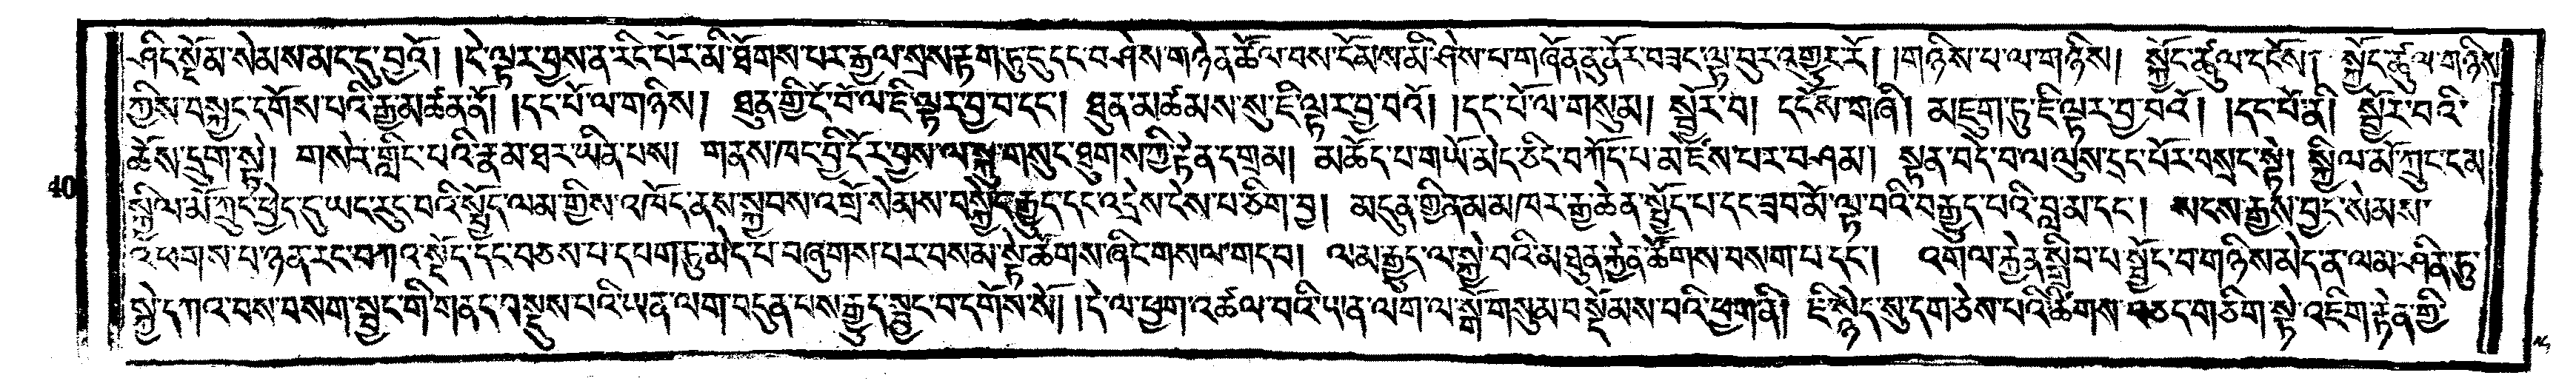ཤིང་སྡོམ་སེམས་མང་དུ་བྱའོ། །དེ་ལྟར་བྱས་ན་རིང་པོར་མི་ཐོགས་པར་རྒྱལ་སྲས་རྟག་ཏུ་དུ་དང་བཤེས་གཉེན་ཚོལ་བས་ངོམས་མི་ཤེས་པ་གཞོན་ནུ་ནོར་བཟང་ལྟ་བུར་འགྱུར་རོ། །གཉིས་པ་ལ་གཉིས། སྐྱོང་ཚུལ་དངོས། སྐྱོང་ཚུལ་གཉིས་
ཀྱིས་བསྐྱང་དགོས་པའི་རྒྱ་མཚན་ནོ། །དང་པོ་ལ་གཉིས། ཐུན་གྱི་ངོ་བོ་ལ་ཇི་ལྟར་བྱ་བ་དང་། ཐུན་མཚམས་སུ་ཇི་ལྟར་བྱ་བའོ། །དང་པོ་ལ་གསུམ། སྦྱོར་བ། དངོས་གཞི། མཇུག་ཏུ་ཇི་ལྟར་བྱ་བའོ། །དང་པོ་ནི། སྦྱོར་བའི་
ཆོས་དྲུག་སྟེ། གསེར་གླིང་པའི་རྣམ་ཐར་ཡིན་པས། གནས་ཁང་བྱི་དོར་བྱས་ལ་སྐུ་གསུང་ཐུགས་ཀྱི་རྟེན་དགྲམ། མཆོད་པ་གཡོ་མེད་ཅིང་བཀོད་པ་མཛེས་པར་བཤམ། སྟན་བདེ་བ་ལ་ལུས་དྲང་པོར་བསྲང་སྟེ། སྐྱིལ་མོ་ཀྲུང་ངམ་
སྐྱིལ་མོ་ཀྲུང་ཕྱེད་དུ་ཡང་རུང་བའི་སྤྱོད་ལམ་གྱིས་འཁོད་ནས་སྐྱབས་འགྲོ་སེམས་བསྐྱེད་རྒྱུད་དང་འདྲེས་ངེས་པ་ཅིག་བྱ། མདུན་གྱི་ནམ་མཁར་རྒྱ་ཆེན་སྤྱོད་པ་དང་ཟབ་མོ་ལྟ་བའི་བརྒྱུད་པའི་བླ་མ་དང་། སངས་རྒྱས་བྱང་སེམས་
འཕགས་པ་ཉན་རང་བཀའ་སྡོད་དང་བཅས་པ་དཔག་ཏུ་མེད་པ་བཞུགས་པར་བསམ་སྟེ་ཚོགས་ཞིང་གསལ་གདབ། ལམ་རྒྱུད་ལ་སྐྱེ་བའི་མཐུན་རྐྱེན་ཚོགས་བསག་པ་དང་། འགལ་རྐྱེན་སྒྲིབ་པ་སྦྱོང་བ་གཉིས་མེད་ན་ལམ་ཤིན་ཏུ་
སྐྱེ་དཀའ་བས་བསག་སྦྱང་གི་གནད་བསྡུས་པའི་ཡན་ལག་བདུན་པས་རྒྱུད་སྦྱང་བ་དགོས་སོ། །དེ་ལ་ཕྱག་འཚལ་བའི་ཡན་ལག་ལ་སྒོ་གསུམ་བསྡོམས་པའི་ཕྱག་ནི། ཇི་སྙེད་སུ་དག་ཅེས་པའི་ཚིགས་བཅད་གཅིག་སྟེ་འཇིག་རྟེན་གྱི་